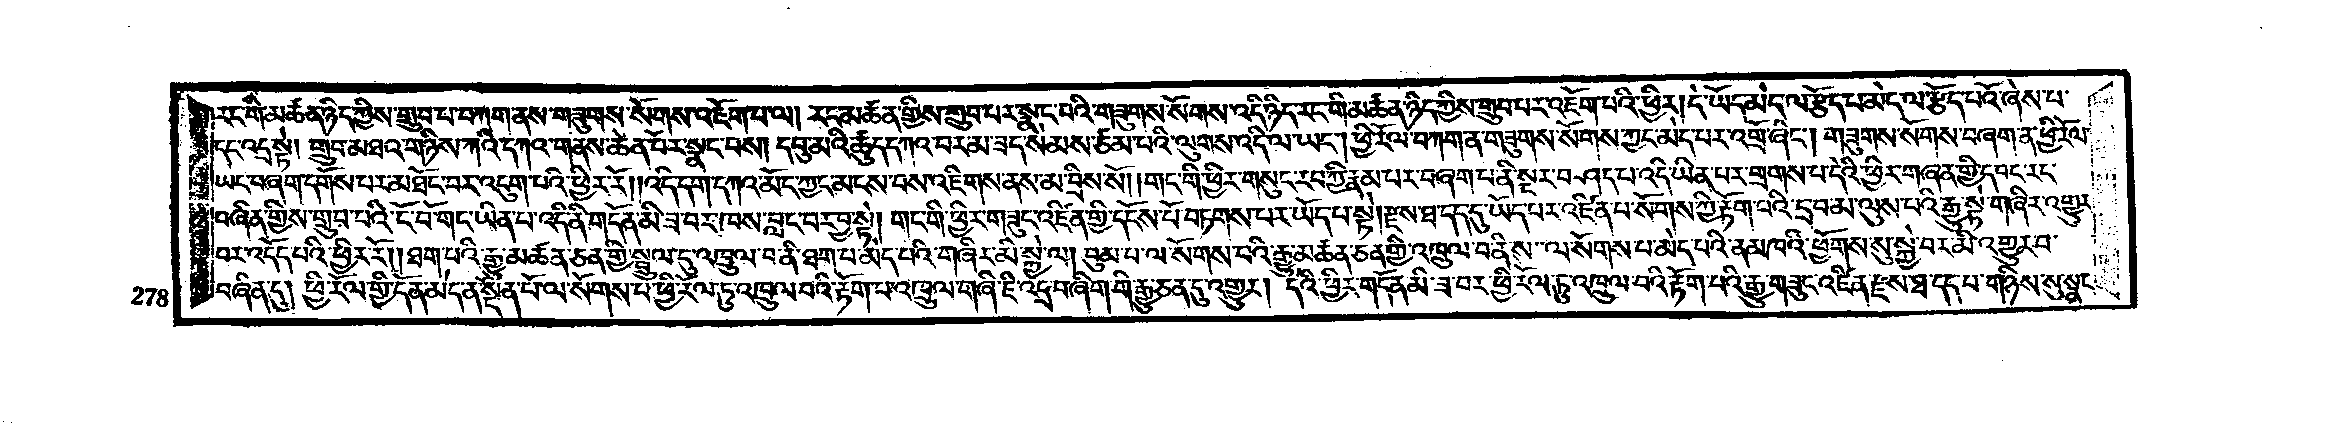རང་གི་མཚན་ཉིད་ཀྱིས་གྲུབ་པ་བཀག་ནས་གཟུགས་སོགས་འཇོག་པ་ལ། རང་མཚན་གྱིས་གྲུབ་པར་སྣང་བའི་གཟུགས་སོགས་འདི་ཉིད་རང་གི་མཚན་ཉིད་ཀྱིས་གྲུབ་པར་འཇོག་པའི་ཕྱིར། དེ་ཡོད་མེད་ལ་རྩོད་པ་མེད་ལ་རྩོད་པའོ་ཞེས་པ་
དང་འདྲ་སྟེ། གྲུབ་མཐའ་གཉིས་ཀའི་དཀའ་གནས་ཆེན་པོར་སྣང་བས། དབུ་མའི་ཚུལ་དཀའ་བར་མ་ཟད་སེམས་ཙམ་པའི་ལུགས་འདི་ལ་ཡང་། ཕྱི་རོལ་བཀག་ན་གཟུགས་སོགས་ཀྱང་མེད་པར་འགྲོ་ཞིང་། གཟུགས་སོགས་བཞག་ན་ཕྱི་རོལ་
ཡང་བཞག་དགོས་པར་མཐོང་བར་འདུག་པའི་ཕྱིར་རོ། །འདི་དག་དཀའ་མོད་ཀྱང་མངས་བས་འཇིགས་ནས་མ་བྲིས་སོ། །གང་གི་ཕྱིར་གསུང་རབ་ཀྱི་རྣམ་པར་བཞག་པ་ནི་སྔར་བཤད་པ་འདི་ཡིན་པར་གྲགས་པ་དེའི་ཕྱིར་གཞན་གྱི་དབང་རང་
བཞིན་གྱིས་གྲུབ་པའི་ངོ་བོ་གང་ཡིན་པ་འདི་ནི་གདོན་མི་ཟ་བར་ཁས་བླང་བར་བྱ་སྟེ། གང་གི་ཕྱིར་གཟུང་འཛིན་གྱི་དངོས་པོ་བཏགས་པར་ཡོད་པ་སྟེ། རྫས་ཐ་དད་དུ་ཡོད་པར་འཛིན་པ་སོགས་ཀྱི་རྟོག་པའི་དྲ་བ་མ་ལུས་པའི་རྒྱུ་སྟེ་གཞིར་འགྱུར་
བར་འདོད་པའི་ཕྱིར་རོ། །ཐག་པའི་རྒྱུ་མཚན་ཅན་གྱི་སྦྲུལ་དུ་འཁྲུལ་བ་ནི་ཐག་པ་མེད་པའི་གཞིར་མི་སྐྱེ་ལ། བུམ་པ་ལ་སོགས་པའི་རྒྱུ་མཚན་ཅན་གྱི་འཁྲུལ་བ་ནི་ས་ལ་སོགས་པ་མེད་པའི་ནམ་ཁའི་ཕྱོགས་སུ་སྐྱེ་བར་མི་འགྱུར་བ་
བཞིན་དུ། ཕྱི་རོལ་གྱི་དོན་མེད་ན་སྔོན་པོ་ལ་སོགས་པ་ཕྱི་རོལ་ཏུ་འཁྲུལ་བའི་རྟོག་པ་འཁྲུལ་གཞི་ཇི་འདྲ་བ་ཞིག་གི་རྒྱུ་ཅན་དུ་འགྱུར། དེའི་ཕྱིར་གདོན་མི་ཟ་བར་ཕྱི་རོལ་ཏུ་འཁྲུལ་བའི་རྟོག་པའི་རྒྱུ་གཟུང་འཛིན་རྫས་ཐ་དད་པ་གཉིས་སུ་སྣང་